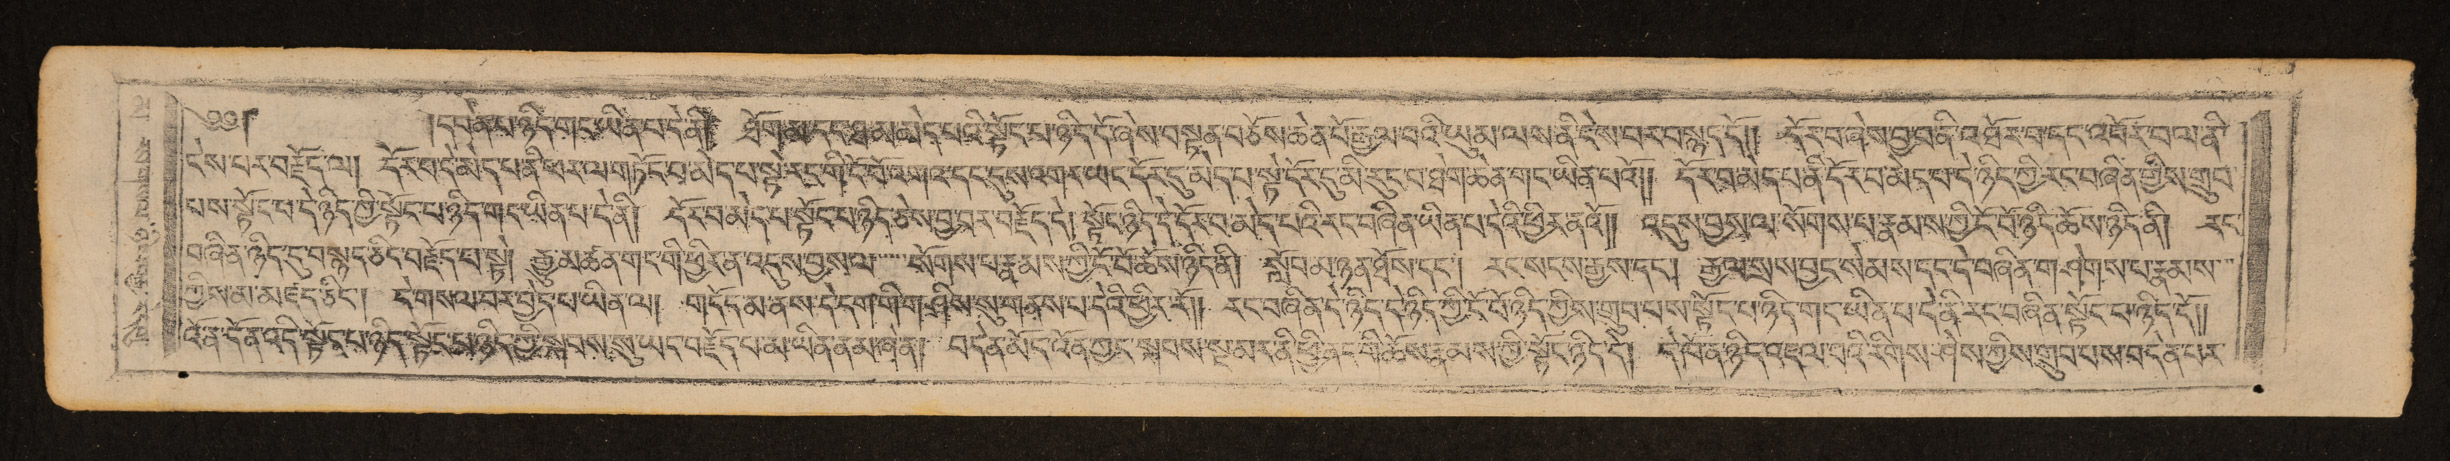༄༅། །དབེན་པ་ཉིད་གང་ཡིན་པ་དེ་ནི། ཐོག་མ་དང་ཐ་མ་མེད་པའི་སྟོང་པ་ཉིད་དོ་ཞེས་བསྟན་བཅོས་ཆེན་པོ་རྒྱལ་བའི་ཡུམ་ལས་ནི་ངེས་པར་བསྙད་དོ།། དོར་བ་ཞེས་བྱ་བ་ནི་འཐོར་བ་དང་འབོར་བ་ལ་ནི་
ངེས་པར་བརྗོད་ལ། དོར་བ་དེ་མེད་པ་ནི་ཕར་ལ་གཏོང་བ་མེད་པ་སྟེ་རང་གི་ངོ་བོ་འགའ་དང་དུས་འགར་ཡང་དོར་དུ་མེད་པ་སྟེ་དོར་དུ་མི་རུང་བ་ཐེག་ཆེན་གང་ཡིན་པའོ།། དོར་བ་མེད་པ་ནི་དོར་བ་མེད་པ་དེ་ཉིད་ཀྱི་རང་བཞིན་གྱིས་གྲུབ་
པས་སྟོང་པ་དེ་ཉིད་ཀྱི་སྟོང་པ་ཉིད་གང་ཡིན་པ་དེ་ནི། དོར་བ་མེད་པ་སྟོང་པ་ཉིད་ཅེས་བྱ་བར་བརྗོད་དེ། སྟོང་ཉིད་དེ་དོར་བ་མེད་པའི་རང་བཞིན་ཡིན་པ་དེའི་ཕྱིར་ནའོ།། འདུས་བྱས་ལ་སོགས་པ་རྣམས་ཀྱི་ངོ་བོ་ཉིད་ཆོས་ཉིད་ནི། རང་
བཞིན་ཉིད་དུ་བསྙད་ཅིང་བརྗོད་པ་སྟེ། རྒྱུ་མཚན་གང་གི་ཕྱིར་ན་འདུས་བྱས་ལ་སོགས་པ་རྣམས་ཀྱི་ངོ་བོ་ཆོས་ཉིད་ནི། སློབ་མ་ཉན་ཐོས་དང་། རང་སངས་རྒྱས་དང་། རྒྱལ་སྲས་བྱང་སེམས་དང་དེ་བཞིན་གཤེགས་པ་རྣམས་
ཀྱིས་མ་མཛད་ཅིང་། དེ་གསལ་བར་བྱེད་པ་ཡིན་ལ། གདོད་མ་ནས་དེ་དག་གི་གཤིས་སུ་གནས་པ་དེའི་ཕྱིར་རོ།། རང་བཞིན་དེ་ཉིད་དེ་ཉིད་ཀྱི་ངོ་བོ་ཉིད་ཀྱིས་གྲུབ་པས་སྟོང་པ་ཉིད་གང་ཡིན་པ་དེ་ནི་རང་བཞིན་སྟོང་པ་ཉིད་དོ།།
འོ་ན་དོན་འདི་སྟོང་པ་ཉིད་སྟོང་པ་ཉིད་ཀྱི་སྐབས་སུ་ཡང་བརྗོད་པ་མ་ཡིན་ནམ་ཞེ་ན། བདེན་མོད་འོན་ཀྱང་སྐབས་སྔ་མར་ནི་ཕྱི་ནང་གི་ཆོས་རྣམས་ཀྱི་སྟོང་ཉིད་དེ། དེ་ཁོ་ན་ཉིད་འཇལ་བའི་རིགས་ཤེས་ཀྱིས་གྲུབ་པས་བདེན་པར་